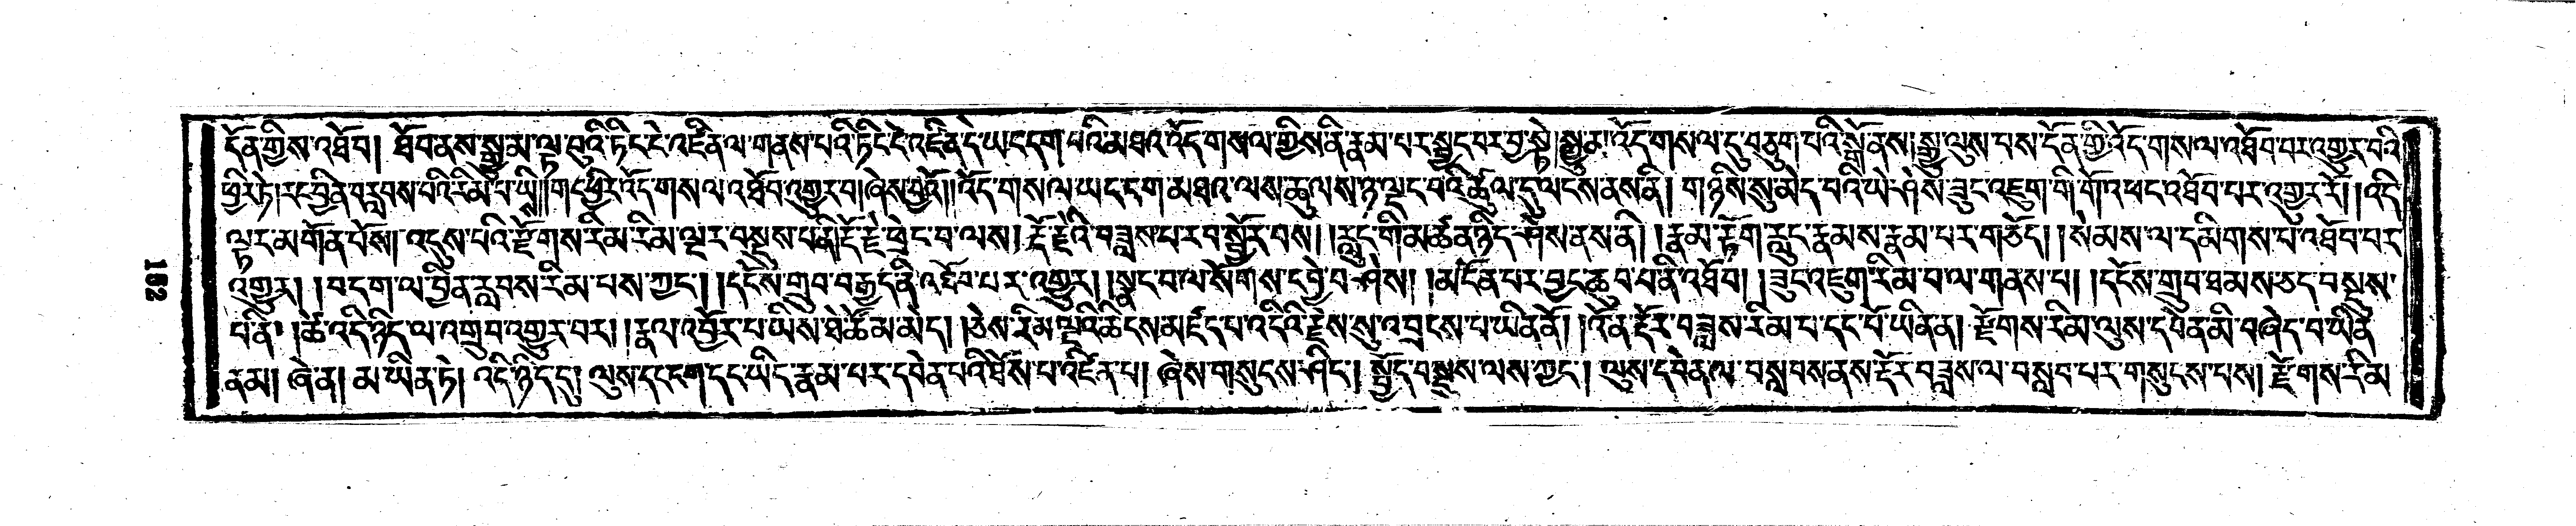དོན་གྱིས་འཐོབ། ཐོབ་ནས་སྒྱུ་མ་ལྟ་བུའི་ཏིང་ངེ་འཛིན་ལ་གནས་པའི་ཏིང་ངེ་འཛིན་དེ་ཡང་དག་པའི་མཐའ་འོད་གསལ་གྱིས་ནི་རྣམ་པར་སྦྱང་བར་བྱ་སྟེ། སྒྱུ་མ་འོད་གསལ་དུ་བཅུག་པའི་སྒོ་ནས། སྒྱུ་ལུས་པས་དོན་གྱི་འོད་གསལ་འཐོབ་པར་འགྱུར་བའི་
ཕྱིར་ཏེ། རང་བྱིན་བརླབས་པའི་རིམ་པ་ཡིས། །གང་ཕྱིར་འོད་གསལ་འཐོབ་འགྱུར་བ། ཞེས་བྱའོ། །འོད་གསལ་ཡང་དག་མཐའ་ལས་ཆུ་ལས་ཉ་ལྡང་བའི་ཚུལ་དུ་ལངས་ནས་ནི། གཉིས་སུ་མེད་པའི་ཡེ་ཤེས་ཟུང་འཇུག་གི་གོ་འཕང་འཐོབ་པར་འགྱུར་རོ། །འདི་
ལྟར་མགོན་པོས། འདུས་པའི་རྫོགས་རིམ་རིམ་ལྔར་བསྡུས་པ་ནི། རྡོ་རྗེ་ཕྲེང་བ་ལས། རྡོ་རྗེའི་བཟླས་པ་རབ་སྦྱོར་བས། །རླུང་གི་མཚན་ཉིད་ཤེས་ནས་ནི། །རྣམ་རྟོག་རླུང་རྣམས་རྣམ་པར་གཅོད། །སེམས་ལ་དམིགས་པ་འཐོབ་པར་
འགྱུར། །བདག་ལ་བྱིན་རླབས་རིམ་པས་ཀྱང་། །དངོས་གྲུབ་བརྒྱད་ནི་འཐོབ་པར་འགྱུར། །སྣང་བ་ལ་སོགས་དབྱེ་བ་ཤེས། །མངོན་པར་བྱང་ཆུབ་པ་ནི་འཐོབ། །ཟུང་འཇུག་རིམ་པ་ལ་གནས་པ། །དངོས་གྲུབ་ཐམས་ཅད་བསྡུས་
པ་ནི། །ཚེ་འདི་ཉིད་ལ་འགྲུབ་འགྱུར་བར། །རྣལ་འབྱོར་བ་ཡིས་ཐེ་ཚོམ་མེད། །ཅེས་རིམ་ལྔའི་ཆིངས་མཛད་པ་འདིའི་རྗེས་སུ་འབྲངས་པ་ཡིན་ནོ། །འོ་ན་རྡོར་བཟླས་རིམ་པ་དང་པོ་ཡིན་ན། རྫོགས་རིམ་ལུས་དབེན་མི་བཞེད་པ་ཡིན་
ནམ། ཞེ་ན། མ་ཡིན་ཏེ། འདི་ཉིད་དུ། ལུས་དང་ངག་དང་ཡིད་རྣམ་པར་དབེན་པའི་ཐོས་པ་འཛིན་པ། ཞེས་གསུངས་ཤིང་། སྤྱོད་བསྡུས་ལས་ཀྱང་། ལུས་དབེན་ལ་བསླབས་ནས་རྡོར་བཟླས་ལ་བསླབ་པར་གསུངས་པས། རྫོགས་རིམ་